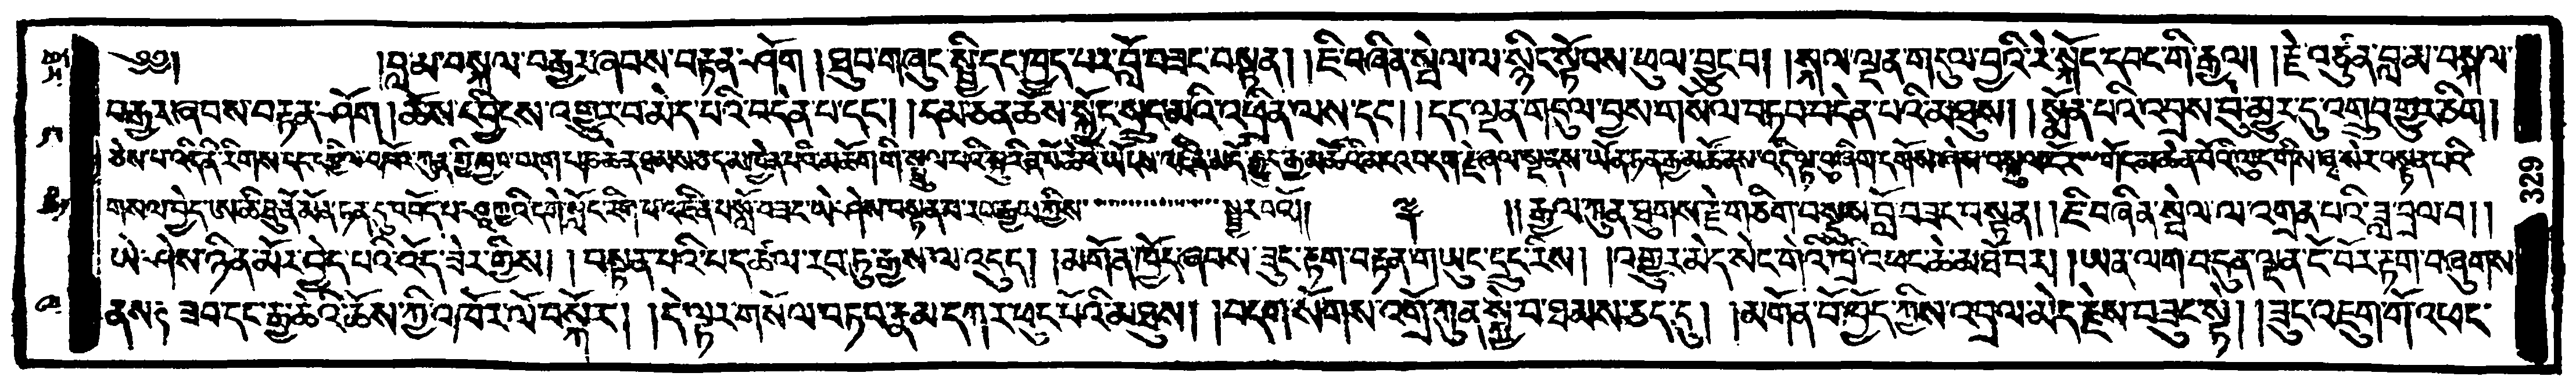༄༅། །བླ་མ་བསྐལ་བརྒྱར་ཞབས་བརྟན་ཤོག །ཐུབ་གཞུང་སྤྱི་དང་ཁྱད་པར་བློ་བཟང་བསྟན། །ཇི་བཞིན་སྤེལ་ལ་སྙིང་སྟོབས་ཕུལ་བྱུང་བ། །སྐལ་ལྡན་གདུལ་བྱའི་རེ་སྐོང་དབང་གི་རྒྱལ། །རྗེ་བཙུན་བླ་མ་བསྐལ་
བརྒྱར་ཞབས་བརྟན་ཤོག །ཆོས་དབྱིངས་འགྱུར་བ་མེད་པའི་བདེན་པ་དང་། །དམ་ཅན་ཆོས་སྐྱོང་སྲུང་མའི་འཕྲིན་ལས་དང་། །དང་ལྡན་གདུལ་བྱས་གསོལ་བཏབ་བདེན་པའི་མཐུས། །སྨོན་པའི་འབྲས་བུ་མྱུར་དུ་འགྲུབ་གྱུར་ཅིག །
ཅེས་པ་འདི་ནི་རིགས་དང་དཀྱིལ་འཁོར་ཀུན་གྱི་ཁྱབ་བདག་པཎ་ཆེན་ཐམས་ཅད་མཁྱེན་པའི་མཆོག་གི་སྤྲུལ་པའི་སྐུ་རིན་པོ་ཆེའི་ཡོངས་འཛིན་མདོ་རྒྱུད་རྒྱ་མཚོའི་མངའ་བདག་རྗེ་ཞལ་སྔ་ནས་ཡོན་ཏན་རྒྱ་མཚོ་ནས་འདི་ལྟ་བུ་ཞིག་དགོས་ཞེས་བསྐུལ་ངོར ༧་གོང་མ་ཆེན་པོའི་ལུང་གིས་ཞྭ་སེར་བསྟན་པའི་
གསལ་བྱེད་ཨ་ཆི་ཐུ་ནོ་མོན་ཧན་དུ་འབོད་པ་ཤཱཀྱའི་དགེ་སློང་རིག་པ་འཛིན་པ་བློ་བཟང་ཡེ་ཤེས་བསྟན་པ་རབ་རྒྱས་ཀྱིས་སྦྱར་བའོ།། ༈ །།རྒྱལ་ཀུན་ཐུགས་རྗེ་གཅིག་བསྡུས་བློ་བཟང་བསྟན། །ཇི་བཞིན་སྤེལ་ལ་འགྲན་པའི་ཟླ་བྲལ་བ། །
ཡེ་ཤེས་ཉིན་མོར་བྱེད་པའི་འོད་ཟེར་གྱིས། །བསྟན་པའི་པད་ཚལ་རབ་ཏུ་རྒྱས་ལ་འདུད། །མགོན་ཁྱོད་ཞབས་ཟུང་རྟག་བརྟན་གཡུང་དྲུང་རིས། །འགྱུར་མེད་སེང་གེའི་ཁྲི་འཕང་ཆེ་མཐོ་བར། །ཡན་ལག་བདུན་ལྡན་ངོ་བོར་རྟག་བཞུགས་
ནས། ཟབ་དང་རྒྱ་ཆེའི་ཆོས་ཀྱི་འཁོར་ལོ་བསྐོར། །དེ་ལྟར་གསོལ་བཏབ་རྣམ་དཀར་ཕུང་པོའི་མཐུས། །བདག་སོགས་འགྲོ་ཀུན་སྐྱེ་བ་ཐམས་ཅད་དུ། །མགོན་པོ་ཁྱོད་ཀྱིས་འབྲལ་མེད་རྗེས་བཟུང་སྟེ། །ཟུང་འཇུག་གོ་འཕང་